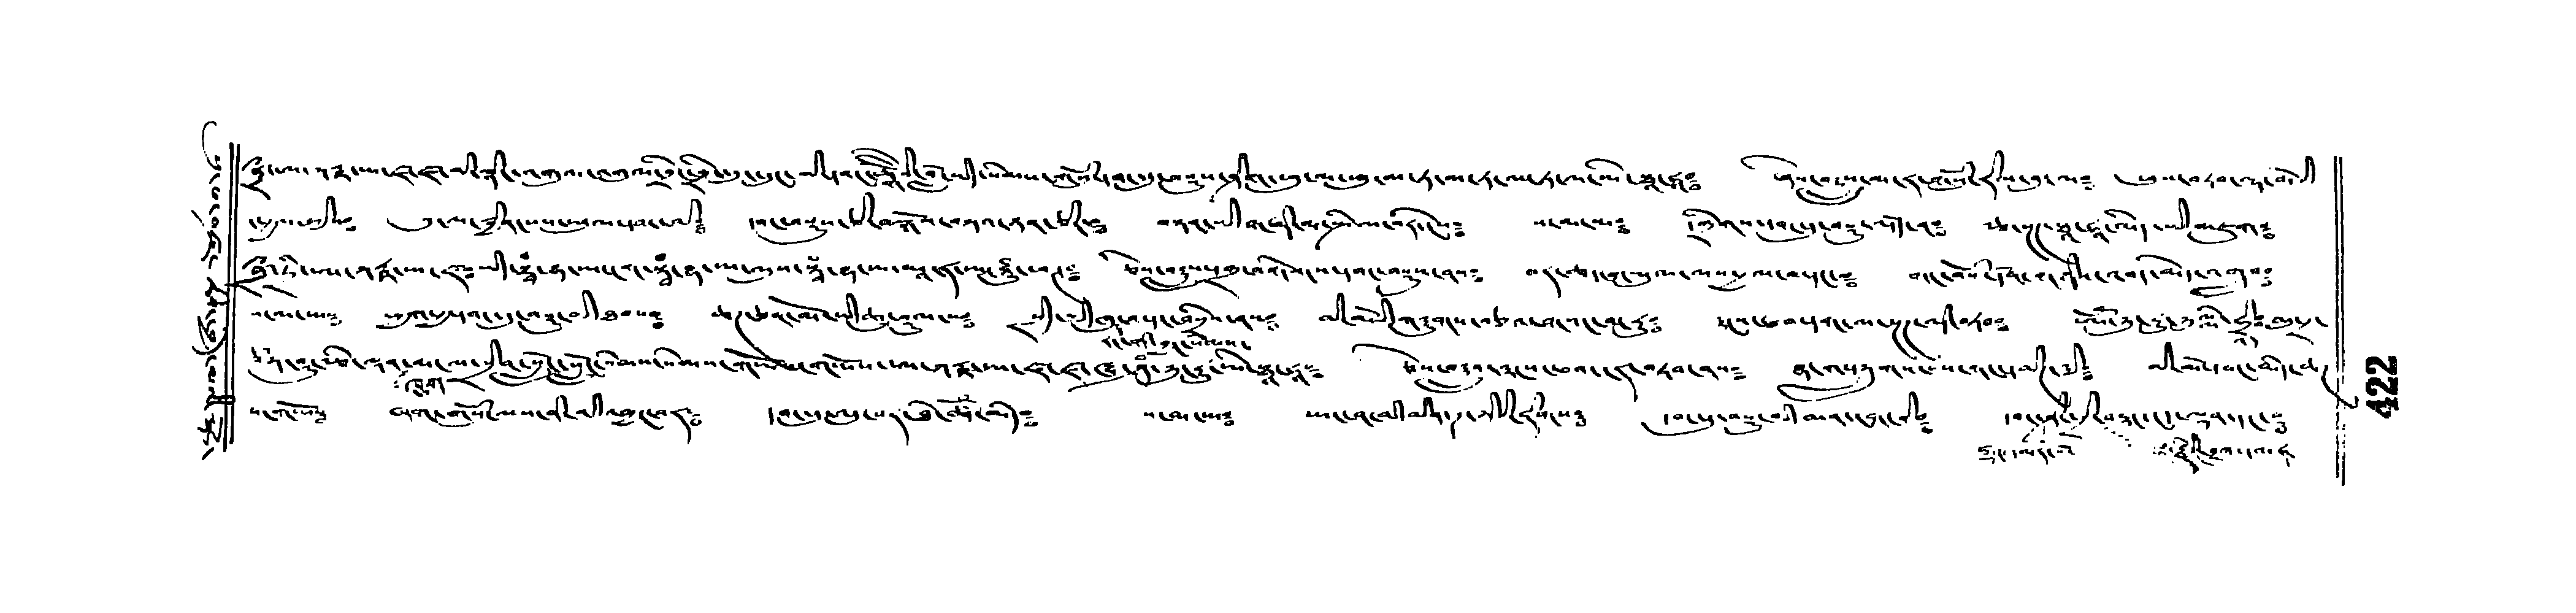ནྲྀ་ཨ་ཀརྵ་ཡ་ཛ་ཛ་མི་སྙིང་འགུལ་འགུལ་བྲེང་བྲེང་དུ་ཕུང་མི་དབང་ཆེ་གེ་མོའི་བློ་ཡིད་སེམས་གསུམ་དབང་དུ་བསྡུས་ཤིག་ཕུ་མ་ཕུ་མ་ཏ་མ་ཏ་མ་ཏ་ལ་ཡེ་སྭཱ་ཧཱཿ ཞེས་བཟླས་མངར་གསུམ་རིལ་བུ་ལ༔ ཕུས་བཏབ་ལྷ་མོའི་ང་
རྒྱལ་གྱིས༔ སུ་ལ་སྦྱིན་པས་ཡུལ་དབང་མི༔ དབང་བསྡུས་ཅི་བསྒོས་བཀའ་ཉན་ཅིང༔ བསྟན་པའི་གཞི་མ་སྤེལ་བར་ངེས༔ ས་མ་ཡ༔ དགྲ་བགེགས་དབང་དུ་བསྡུ་འདོད་ན༔ རྩ་སྔགས་སྭཱ་ཧཱ་མེད་པའི་མཇུག༔ 
ནྲྀ་ཏྲི་ཨ་ཀརྵ་ཡ་ཛཿཡིད་སྟྭཾ་བྷ་ཡ་ངག་སྟྭཾ་བྷ་ཡ་ལུས་སྟྭཾ་བྷ་ཡ་མཱ་ར་ཡ་ཧཱུྃ་ཕཊཿ ཅེས་བཟླས་དགྲ་བགེགས་དབང་བསྡུས་ནས༔ བར་ཆད་གཡུལ་ལས་རྒྱལ་བ་དང༔ གང་བསམ་དོན་གཉིས་འབད་མེད་འགྲུབ༔ 
ས་མ་ཡ༔ ཕྱག་རྒྱ་དབང་དུ་བསྡུ་བའི་ཐབས༔ ཆགས་ཅན་མོ་ཡི་ཆུ་ཤུལ་ས༔ སྲིད་པའི་ཁུ་བ་དང་བསྲེས་ནས༔ མི་མོའི་གཟུགས་བཅའ་གསང་བ་རུ༔ ཟངས་ཁབ་དག་ལ་སྔགས་འདི་བཏབ༔ ཨོཾ་ཀུ་རུ་ཀུལླེ་ཧྲཱིཿམུ་དྲ་
ཙཀ་ཤུ་རྩེ་ལྡན་ཁུག་མངལ་སྲིན་སློང་སློང་སེམས་སེམས་གཡོས་གཡོས་ཨ་ཀརྵ་ཡ་ཛ་ཛ་ཝ་ཤཾ་ཀུ་རུ་ཡེ་སྭཱ་ཧཱཿ ཅེས་བཟླ་ཟངས་ཁབ་ངར་བཏབ་ནས༔ བྷ་ག་དཀྲུགས་པས་གང་དམིགས་ཀྱི༔ མི་མོ་དབང་མེད་ཆགས་
པ་གཡོ༔ ཞག་གསུམ་ལས་ནི་མི་འགྱང་བར༔ དབང་དུ་འདུ་བར་ཐེ་ཚོམ་མེད༔ ས་མ་ཡ༔ ཡང་ན་མི་མིན་ཌ་ཀིའི་རིགས༔ དབང་དུ་བསྡུ་བའི་མན་ངག་ནི༔ དབང་ཤིང་དྲི་བཟང་ངད་ལྡན་དང༔